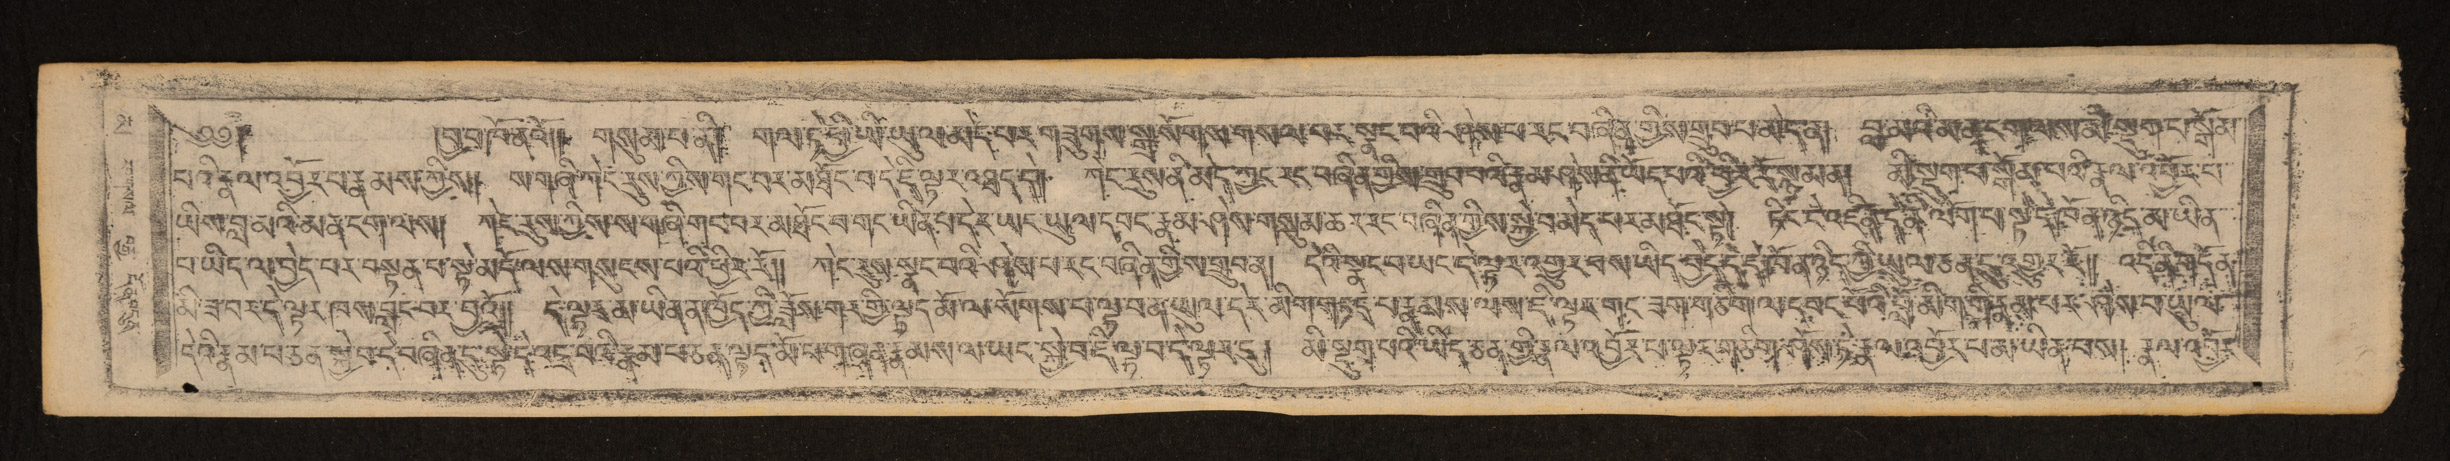༄༅། །བྱ་བ་ཁོ་ནའོ།། གསུམ་པ་ནི། གལ་ཏེ་ཕྱི་ཡི་ཡུལ་མེད་པར་གཟུགས་སྒྲ་སོགས་གསལ་བར་སྣང་བའི་ཤེས་པ་རང་བཞིན་གྱིས་གྲུབ་པ་མེད་ན། བླ་མའི་མན་ངག་ལས་མི་སྡུག་པ་སྒོམ་
པའི་རྣལ་འབྱོར་པ་རྣམས་ཀྱིས། ས་གཞི་ཀེང་རུས་ཀྱིས་གང་བར་མཐོང་བ་དེ་ཇི་ལྟར་འཐད་དེ། ཀེང་རུས་ནི་མེད་ཀྱང་རང་བཞིན་གྱིས་གྲུབ་པའི་རྣམ་ཤེས་ནི་ཡོད་པའི་ཕྱིར་རོ་སྙམ་ན། མི་སྡུག་པ་སྒོམ་པའི་རྣལ་འབྱོར་པ་
ཡིས་བླ་མའི་མན་ངག་ལས། ཀེང་རུས་ཀྱིས་ས་གཞི་གང་བར་མཐོང་བ་གང་ཡིན་པ་དེར་ཡང་ཡུལ་དབང་རྣམ་ཤེས་གསུམ་ཆར་རང་བཞིན་གྱིས་སྐྱེ་བ་མེད་པར་མཐོང་སྟེ། ཏིང་ངེ་འཛིན་དེ་ནི་ལོག་པ་སྟེ་དེ་ཁོ་ན་ཉིད་མ་ཡིན་
པ་ཡིད་ལ་བྱེད་པར་བསྟན་པ་སྟེ་མདོ་ལས་གསུངས་པའི་ཕྱིར་རོ།། ཀེང་རུས་སྣང་བའི་ཤེས་པ་རང་བཞིན་གྱིས་གྲུབ་ན། དེའི་སྣང་བ་ཡང་དེ་ལྟར་འགྱུར་བས་ཡིད་བྱེད་དེ་དེ་ཁོ་ན་ཉིད་ཀྱི་ཡུལ་ཅན་དུ་འགྱུར་རོ།། འདི་ནི་གདོན་
མི་ཟ་བར་དེ་ལྟར་ཁས་བླང་བར་བྱའོ།། དེ་ལྟར་མ་ཡིན་ན་ཁྱོད་ཀྱི་ཟློས་གར་གྱི་ལྟད་མོ་ལ་སོགས་པ་ལྟ་བ་ན་ཡུལ་དེར་མིག་གཏད་པ་རྣམས་ལས་ཇི་ལྟར་གང་ཟག་གཅིག་ལ་དབང་པོའི་བློ་མིག་གི་རྣམ་པར་ཤེས་པ་ཡུལ་
དེའི་རྣམ་པ་ཅན་སྐྱེ་བ་དེ་བཞིན་དུ་སྟེ་དེ་འདྲ་བའི་རྣམ་པ་ཅན་ལྟད་མོ་པ་གཞན་རྣམས་ལ་ཡང་སྐྱེ་བ་ཇི་ལྟ་བ་དེ་ལྟར་དུ། མི་སྡུག་པའི་ཡིད་ཅན་གྱི་རྣལ་འབྱོར་པ་ལྟར་གཅིག་ཤོས་ཏེ་རྣལ་འབྱོར་པ་མ་ཡིན་པས། རྣལ་འབྱོར་